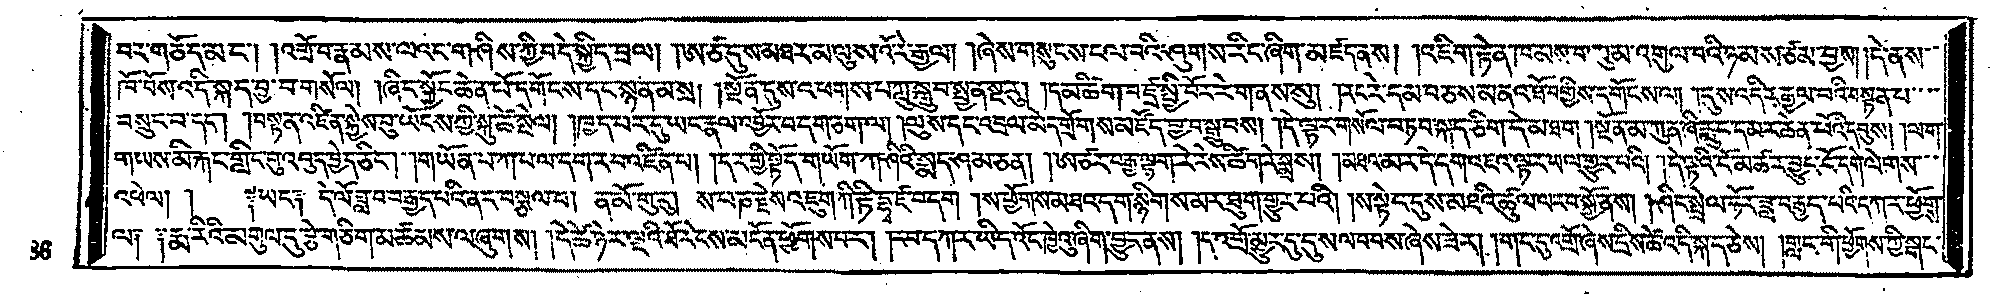བར་གཅོད་མང་། །འགྲོ་བ་རྣམས་ལའང་གཤིས་ཀྱི་བདེ་སྐྱིད་བྲལ། །ཨ་ཙ་དུས་མཐར་མ་ལུས་འོ་རེ་རྒྱལ། །ཞེས་གསུངས་ངལ་བའི་ཤུགས་རིང་ཞིག་མཛད་ནས། །འཇིག་རྟེན་ཁམས་གསུམ་འགུལ་བའི་ཉམས་ཙམ་བྱས། །དེ་ནས་
ཁོ་བོས་འདི་སྐད་བྱ་བ་གསོལ། །ཞིང་སྐྱོང་ཆེན་པོ་དགོངས་དང་སྙན་མ་སྲ། །སྔོན་དུས་འཕགས་པ་ཀླུ་སྒྲུབ་སྤྱན་སྔ་རུ། །དམ་ཚིག་བཛྲ་སྤྱི་བོར་རེག་ནས་སུ། །རང་རེ་དམ་བཅས་མནའ་ཐོ་བགྱིས་དགོངས་ལ། །དུས་འདིར་རྒྱལ་བའི་བསྟན་པ་
བསྲུང་བ་དང་། །བསྟན་འཛིན་སྐྱེས་བུ་ཡོངས་ཀྱི་སྐུ་ཚེ་སྤེལ། །ཁྱད་པར་དུ་ཡང་རྣལ་འབྱོར་བདག་ཅག་ལ། །ལུས་དང་འབྲལ་མེད་གྲོགས་མཛོད་བྱ་བ་སྒྲུབས། །དེ་ལྟར་གསོལ་བཏབ་སྐད་ཅིག་དེ་མ་ཐག །སྔོན་མ་ཀུན་ཞི་རླུང་དམར་ཆེན་པོའི་དབུས། །ལག་
གཡས་མི་རྐང་གླིང་བུ་འབུད་བྱེད་ཅིང་། །གཡོན་པ་ཀ་པ་ལ་དག་རབ་འཛིན་པ། །དར་གྱི་སྟོད་གཡོག་ཀ་ཤིའི་སྨད་ཤམ་ཅན། །ཨ་ཙར་བརྒྱ་ལྷག་རེ་རེས་ཚིག་རེ་སྨྲས། །མཐའ་མར་དེ་དག་འཇའ་ལྟར་ཡལ་གྱུར་པའི། །དེ་ལྟའི་ངོ་མཚར་བྱུང་ངོ་དགེ་ལེགས་
འཕེལ། ། ༈ ཡང༑ དེ་ལོ་ཟླ་བ་བརྒྱད་པའི་ནང་བསྩལ་བ། ན་མོ་གུ་རུ། ས་པཎ་རྗེས་འཇུག་ཀི་རྟི་དྷྭ་ཛ་བདག །ས་ཕྱོགས་མཐའ་དག་སྙིགས་མར་ཐུག་གྱུར་པའི། །ས་སྟེང་དུས་མཐའི་ཚུལ་ལ་རབ་སྐྱོ་ནས། །ཤིང་སྤྲེལ་ཧོར་ཟླ་བརྒྱད་པའི་དཀར་ཕྱོགས་
ལ༑ ༑རྨ་རིའི་མགུལ་དུ་རྩེ་གཅིག་མཚམས་ལ་ཞུགས། །དེ་ཚེ་ཉེར་ལྔའི་ཐོ་རེངས་མངོན་ཕྱོགས་པར། །རབ་དཀར་ཡིད་འོང་ཁྱེའུ་ཞིག་བྱུང་ནས། །ད་འགྲོ་མྱུར་དུ་དུས་ལ་བབས་ཞེས་ཟེར། །གང་དུ་འགྲོ་ཞེས་དྲིས་ཚེ་འདི་སྐད་ཅེས། །གླང་གི་ཕྱོགས་ཀྱི་སྒང་